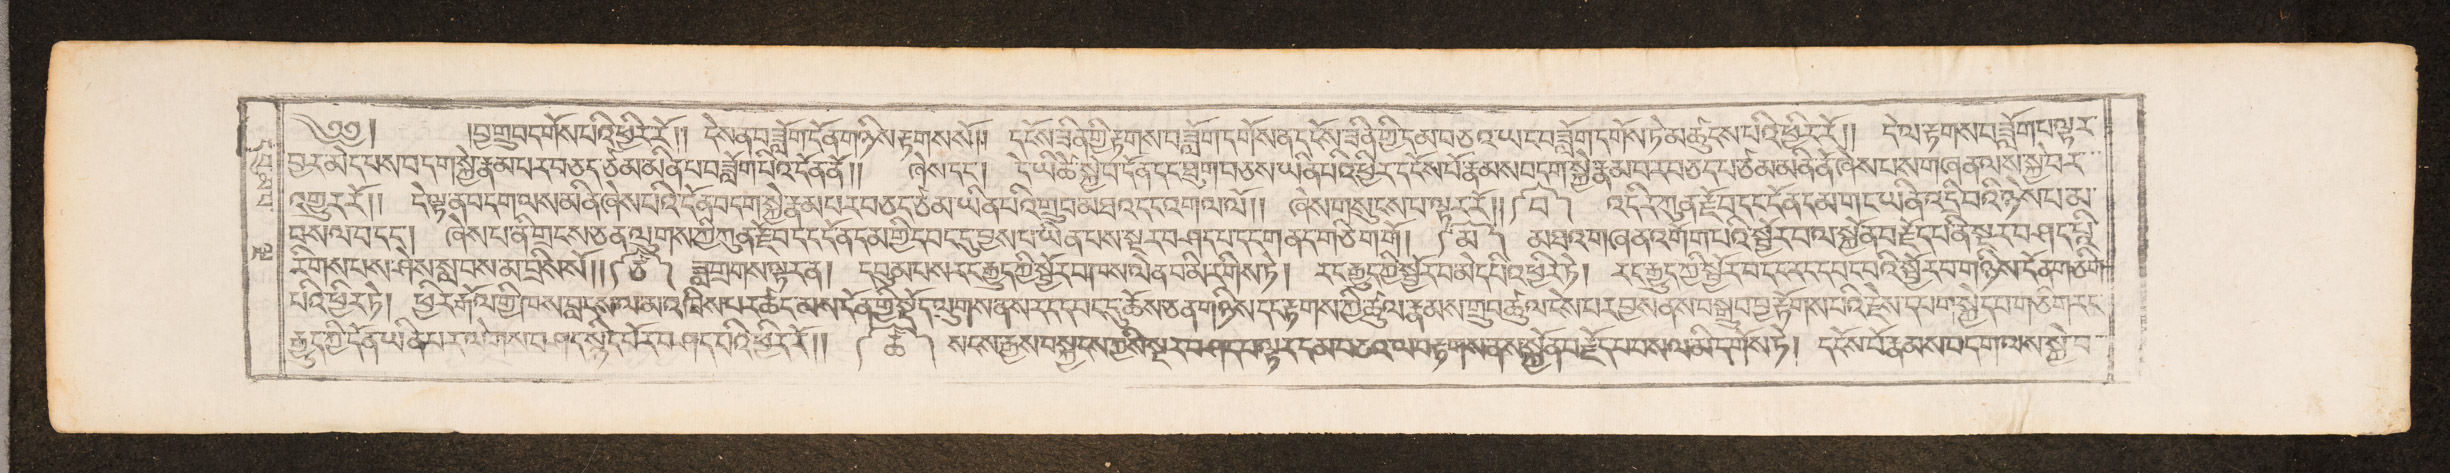༄༅། །བྱ་གྲུབ་དགོས་པའི་ཕྱིར་རོ།། དེས་ན་བཟློག་དོན་གཉིས་རྟགས་སོ།། དངོས་ཟིན་གྱི་རྟགས་བཟློག་དགོས་ན་དངོས་ཟིན་གྱི་དམ་བཅའ་ཡང་བཟློག་དགོས་ཏེ་མཚུངས་པའི་ཕྱིར་རོ།། དེ་ལ་རྟགས་བཟློག་པ་ལྟར་
བྱར་མེད་པས་བདག་སྐྱེ་རྣམ་པར་བཅད་ཙམ་མིན་པ་བཟློག་པའི་དོན་ནོ།། ཞེས་དང་། དེ་ཡི་ཚེ་སྐྱེ་བ་དོན་དང་ཐུག་བཅས་ཡིན་པའི་ཕྱིར་དངོས་པོ་རྣམས་བདག་སྐྱེ་རྣམ་པར་བཅད་པ་ཙམ་མིན་ནོ་ཞེས་པས་གཞན་ལས་སྐྱེ་བར་
འགྱུར་རོ།། དེ་ལྟ་ན་བདག་ལས་མིན་ཞེས་པའི་དོན་བདག་སྐྱེ་རྣམ་པར་བཅང་ཙམ་ཡིན་པའི་གྲུབ་མཐའ་དང་འགལ་ལོ།། ཞེས་གསུངས་པ་ལྟར་རོ།། ༼བ༽ འདིར་ཀུན་རྫོབ་དང་དོན་དམ་གང་ཡིན་འདྲི་བའི་ཉེས་པ་མ་
བསལ་བ་དང་། ཞེས་པ་ནི་གྲངས་ཅན་ལུགས་ཀྱི་ཀུན་རྗོབ་དང་དོན་དམ་གྱི་དབང་དུ་བྱས་པ་ཡིན་པས་སྔར་བཤད་པ་དང་གནང་གཅིག་གོ། ༼མ༽ མཐའ་གཞན་འགོག་པའི་སྦྱོར་བ་ལ་སྐྱོན་བརྗོད་པ་ནི་སྔར་བཤད་པཱི་
རིགས་པས་ཤེས་སླབས་མ་བྲིས་སོ།། ༼ཙ༽ ཟླ་གྲགས་ལྟར་ན། དབུ་མ་པས་རང་རྒྱུད་ཀྱི་སྦྱོར་བ་ཁས་ལེན་བ་མི་རིགས་ཏེ། རང་རྒྱུད་ཀྱི་སྦྱོར་བ་མེད་པའི་ཕྱིར་ཏེ། རང་རྒྱུད་ཀྱི་སྦྱོར་བ་དང་རང་དབང་བའི་སྦྱོར་བ་གཉིས་དོན་གཅིག་
པའི་ཕྱིར་ཏེ། ཕྱིར་རྒོལ་གྱི་ཁས་བླངས་ལ་མ་འཁྲིས་པར་ཚང་མས་དོན་གྱི་སྡོད་ལུགས་ནས་རང་དབང་དུ་ཆོས་ཅན་གཉིས་དང་རྟགས་ཀྱི་ཚུལ་རྣམས་གྲུབ་ཚུལ་ངེས་པར་བྱས་ནས་བསྒྲུབ་བྱ་རྟོགས་པའི་རྗེས་དཔག་སྐྱེད་པ་གཅིག་རང་
རྒྱུད་ཀྱི་དོན་ཡིན་པར་ལེགས་བཤད་སྙིང་པོར་བཤད་པའི་ཕྱིར་རོ།། ༼ཚ༽ སངས་རྒྱས་བསྐྱངས་ཀྱིས་སྔར་བཤད་པ་ལྟར་དམ་བཅའ་ལ་བརྟགས་ནས་སྐྱོན་བརྗོད་པ་བསལ་མི་དགོས་ཏེ། དངོས་པོ་རྣམས་བདག་ལས་སྐྱེ་བ་